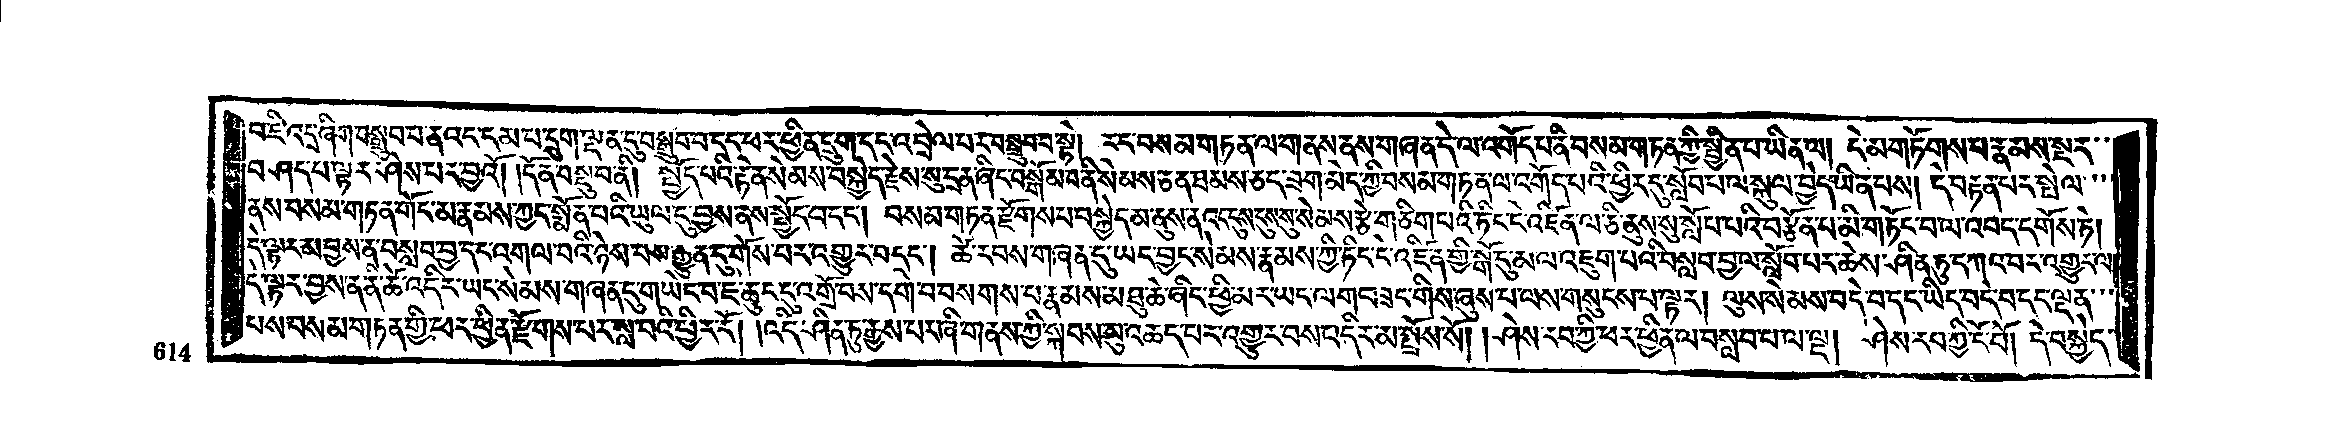བ་ཇི་འདྲ་ཞིག་བསྒྲུབ་པ་ནའང་དམ་པ་དྲུག་ལྡན་དུ་བསྒྲུབ་པ་དང་ཕར་ཕྱིན་དྲུག་དང་འབྲེལ་བར་བསྒྲུབ་པ་སྟེ། རང་བསམ་གཏན་ལ་གནས་ནས་གཞན་དེ་ལ་འགོད་པ་ནི་བསམ་གཏན་གྱི་སྦྱིན་པ་ཡིན་ལ། དེ་མ་གཏོགས་པ་རྣམས་སྔར་
བཤད་པ་ལྟར་ཤེས་པར་བྱའོ། །དོན་བསྡུ་བ་ནི། སྤྱོད་པའི་རྟེན་སེམས་བསྐྱེད་རྗེས་སུ་དྲན་ཞིང་བསྒོམ་པ་ནི་སེམས་ཅན་ཐམས་ཅད་ཟག་མེད་ཀྱི་བསམ་གཏན་ལ་འགོད་པའི་ཕྱིར་དུ་སློབ་པ་ལ་སྐུལ་བྱེད་ཡིན་པས། དེ་བརྟན་པར་སྤེལ་
ནས་བསམ་གཏན་གོང་མ་རྣམས་ཀྱང་སྨོན་པའི་ཡུལ་དུ་བྱས་ནས་སྦྱོང་བ་དང་། བསམ་གཏན་རྫོགས་པ་བསྐྱེད་མ་ནུས་ནའང་དུས་དུས་སུ་སེམས་རྩེ་གཅིག་པའི་ཏིང་ངེ་འཛིན་ལ་ཅི་ནུས་སུ་སློབ་པའི་བརྩོན་པ་མི་གཏོང་བ་ལ་འབད་དགོས་ཏེ།
དེ་ལྟར་མ་བྱས་ན་བསླབ་བྱ་དང་འགལ་བའི་ཉེས་པས་རྒྱུན་དུ་གོས་པར་འགྱུར་བ་དང་། ཚེ་རབས་གཞན་དུ་ཡང་བྱང་སེམས་རྣམས་ཀྱི་ཏིང་ངེ་འཛིན་གྱི་སྒོ་དུ་མ་ལ་འཇུག་པའི་བསླབ་བྱ་ལ་སློབ་པར་ཆེས་ཤིན་ཏུ་དཀའ་བར་འགྱུར་ལ་
དེ་ལྟར་བྱས་ན་ནི་ཚེ་འདིར་ཡང་སེམས་གཞན་དུ་གཡེང་བ་ཛེ་ཆུང་དུ་འགྲོ་བས་དགེ་བ་བསགས་པ་རྣམས་མཐུ་ཆེ་ཞིང་ཕྱི་མར་ཡང་ལག་བཟང་གིས་ཞུས་པ་ལས་གསུངས་པ་ལྟར། ལུས་སེམས་བདེ་བ་དང་ཡིད་བདེ་བ་དང་ལྡན་
པས་བསམ་གཏན་གྱི་ཕར་ཕྱིན་རྫོགས་པར་སླ་བའི་ཕྱིར་རོ། །འདི་ཤིན་ཏུ་རྒྱས་པར་ཞི་གནས་ཀྱི་སྐབས་སུ་འཆད་པར་འགྱུར་བས་འདིར་མ་སྤྲོས་སོ། །ཤེས་རབ་ཀྱི་ཕར་ཕྱིན་ལ་བསླབ་པ་ལ་ལྔ། ཤེས་རབ་ཀྱི་ངོ་བོ། དེ་བསྐྱེད་